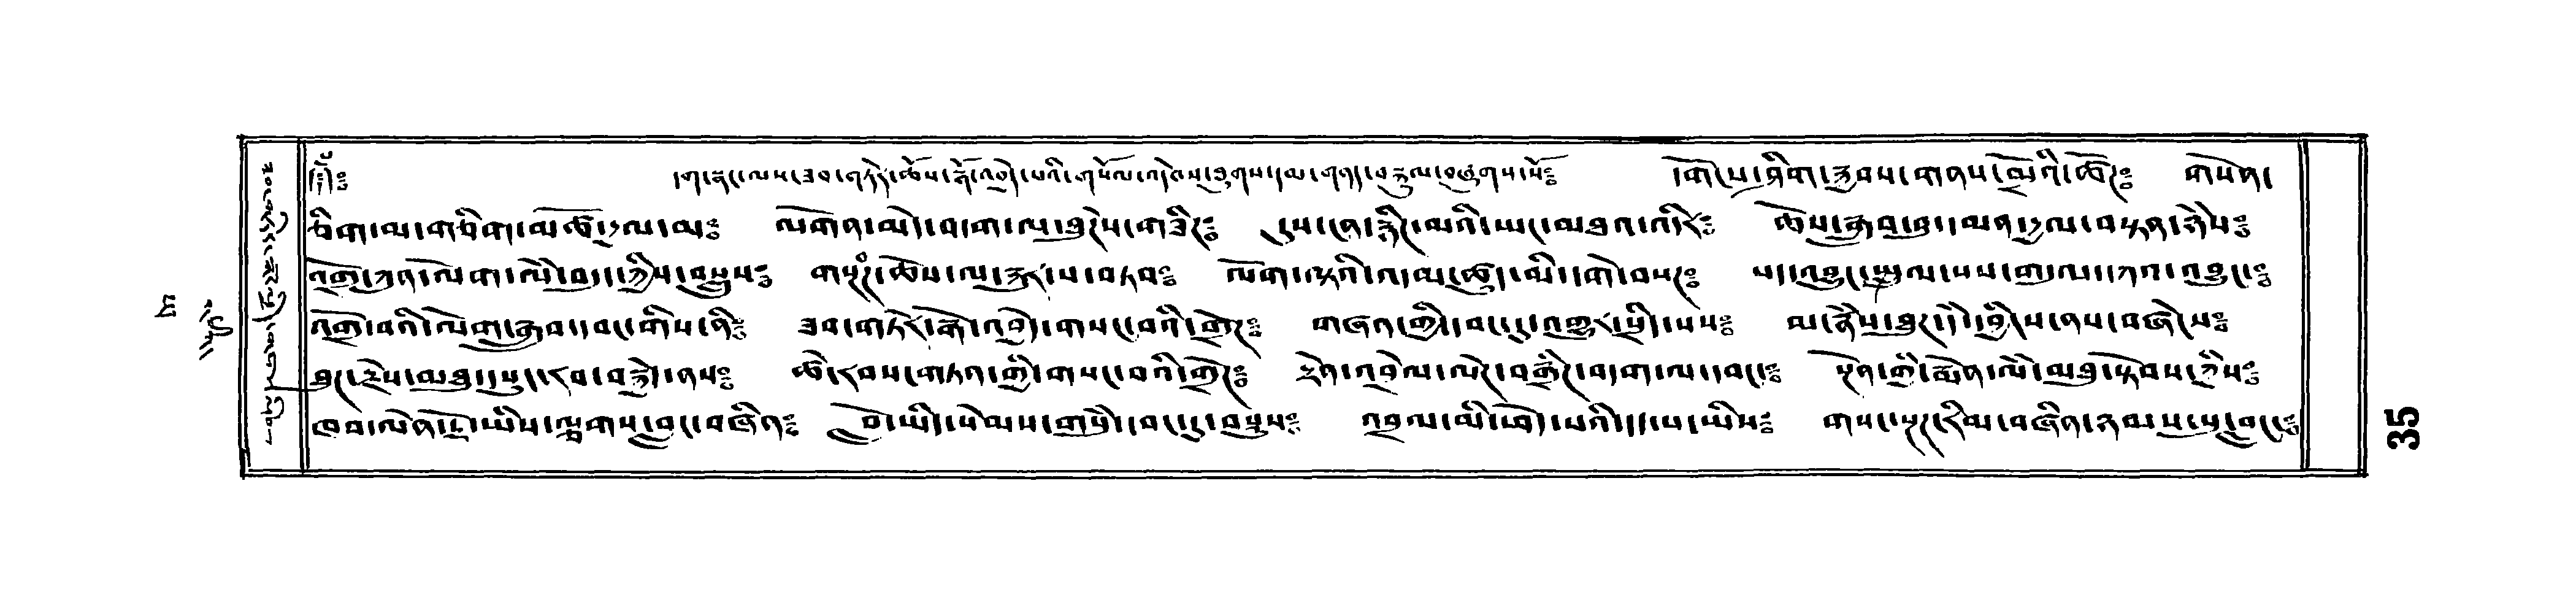དག་སྣང་ལས་ཟབ་གཏེར་ཆོས་སྒོ་འབྱེད་པའི་གསོལ་འདེབས་ཐུགས་དམ་གནད་བསྐུལ་བཞུགས་སོ༔ དགོངས་ཤིག་སྐྱབས་གནས་མཁའ་འགྲོའི་ཚོགས༔ གསོན་
ཅིག་མ་གཅིག་མཚོ་རྒྱལ་མ༔ མགོན་མེད་བདག་ལ་ཐུགས་རྗེས་གཟིགས༔ དུས་ངན་སྙིགས་མའི་ཡང་མཐའ་འདིར༔ ཆོས་སྒྲུབ་བུ་དམན་རྒྱལ་བསྟན་ཉམས༔ 
འགྲོ་ཀུན་ལོག་ལམ་བདུད་ཀྱིས་བསླུས༔ གསང་སྔགས་ཆོས་ལ་སྐུར་པ་བཏབ༔ ལོག་ལྟའི་འདམ་ཚུད་མི་དགེ་བསགས༔ པད་འབྱུང་སྤྲུལ་པས་གདུལ་དཀའ་འབྱུང༔ 
འགྲོ་བའི་ལོག་སྒྲུབ་དབང་གིས་ནི༔ ཟབ་གཏེར་སྒོ་འབྱེད་གསང་བའི་གྲོགས༔ གཞན་གྱི་དབང་དུ་འགྱུར་སྲིད་པས༔ མ་རྣམས་ཐུགས་དམ་དབྱིངས་ནས་བཞེངས༔ 
ཐུགས་རྗེ་མཐུ་དཔུང་རབ་བསྐྱེད་ནས༔ ཚེ་རབས་གཏན་གྱི་གསང་བའི་གྲོགས༔ རྟེན་འབྲེལ་ལེགས་བསྒྲིགས་བདག་ལ་དབང༔ སྔོན་གྱི་སྨོན་ལམ་མཐུ་སྟོབས་ཀྱིས༔ 
ཁབ་ལེན་རྡོ་ཡིས་ལྕགས་བླང་བཞིན༔ བློ་ཡིད་སེམས་གསུམ་དབང་དུ་བསྡུས༔ འབྲལ་མི་ཕོད་པའི་དད་པ་ཡིས༔ གསང་སྔགས་རིམ་བཞིན་ཉམས་སུ་བླང༔